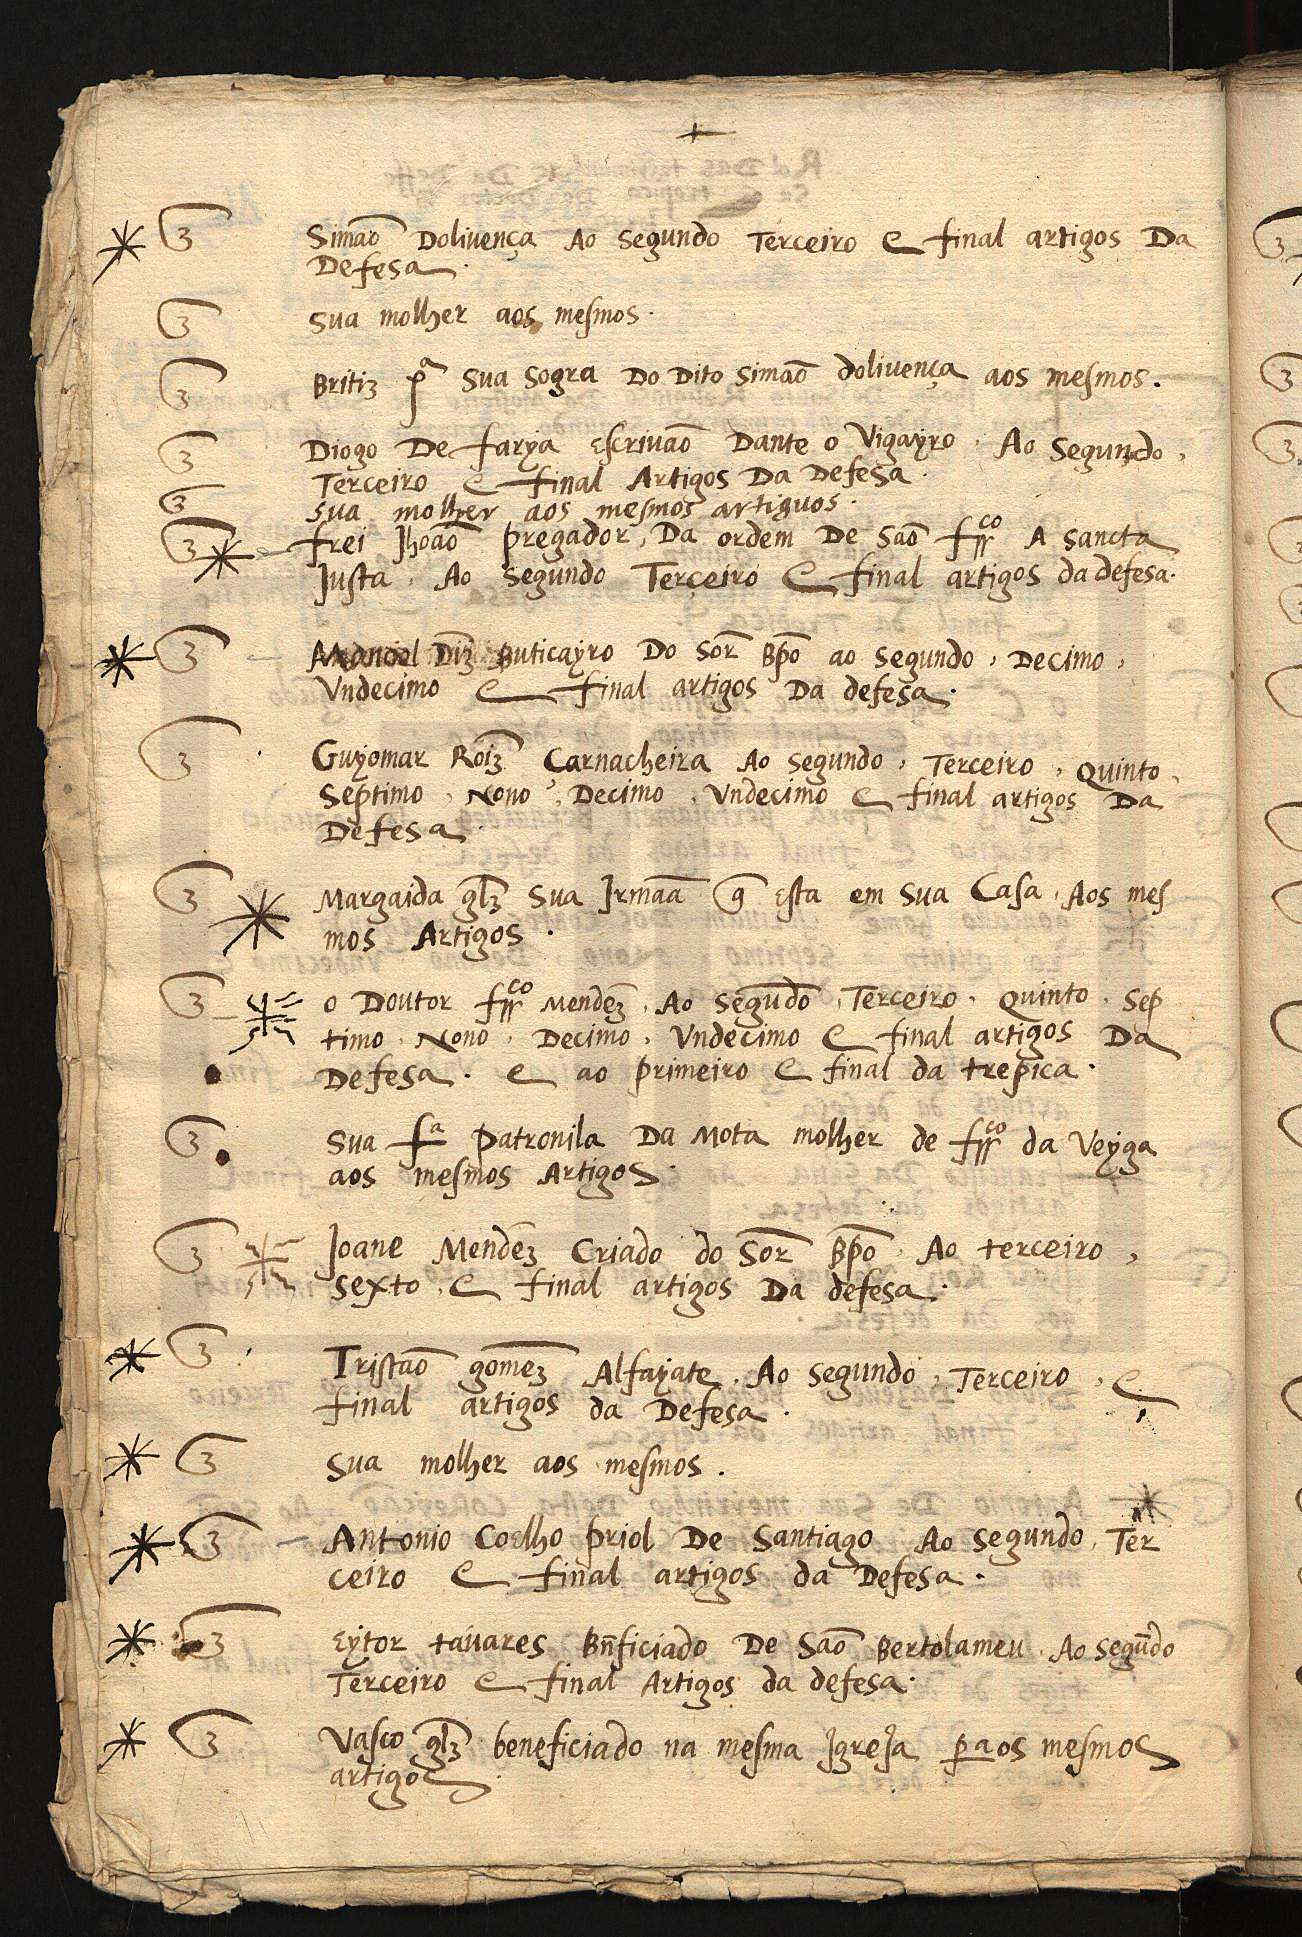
Simão Doliuença Ao Segundo Terceiro e final artigos Da
Defesa
Sua molher aos mesmos.
Britiz pa Sua Sogra Do Dito Simão doliuença aos mesmos.
Diogo De farya Escriua̅o Dante o Vigayro, Ao Segundo,
Terceiro e final Artigos Da Defesa
sua molher aos mesmos artiguos
frei Jhoão pregador, Da ordem De São frrco A sancta
Justa, Ao segundo Terçeiro e final artigos da defesa
Manoel D̅iz Buticayro Do Sōr B̅po ao Segundo, Decimo,
Vndecimo e final artigos Da defesa.
Guyomar Ro̅iz Çarnacheira Ao segundo, Terceiro, Quinto
Septimo, Nono, Decimo, Vndecimo e final artigos Da
Defesa
Margaida g̅lz Sua Jrmāa q̅ Esta em Sua Casa, Aos mes
mos Artigos
o Doutor frrco Mende̅z, Ao ee̅gudo, Terceiro, Quinto, Sep
timo, Nono, Decimo, Vndecimo e final artigos Da
Defesa . e ao primeiro e final da trepica.
Sua fa Patronila Da Mota molher de frrco da Veyga
aos mesmos Artigos
Joane Mende̅z Criado do S̅or B̅po, Ao terceiro,
sexto, e final artigos Da defesa
Tristão g̅omez Alfayate. Ao Segundo, Terceiro, e
final artigos da Defesa
Sua molher aos mesmos.
Antonio CoElho Priol De Santiago Ao Segundo, Ter
ceiro e final artigos da Defesa.
Eytor tauares Bn̅ficiado De São Bertolameu, Ao Segu̅do
Terceiro e final Artigos da defesa
Vasco g̅lz beneficiado na mesma JgreJa ꝑa os mesmos
artigos.
